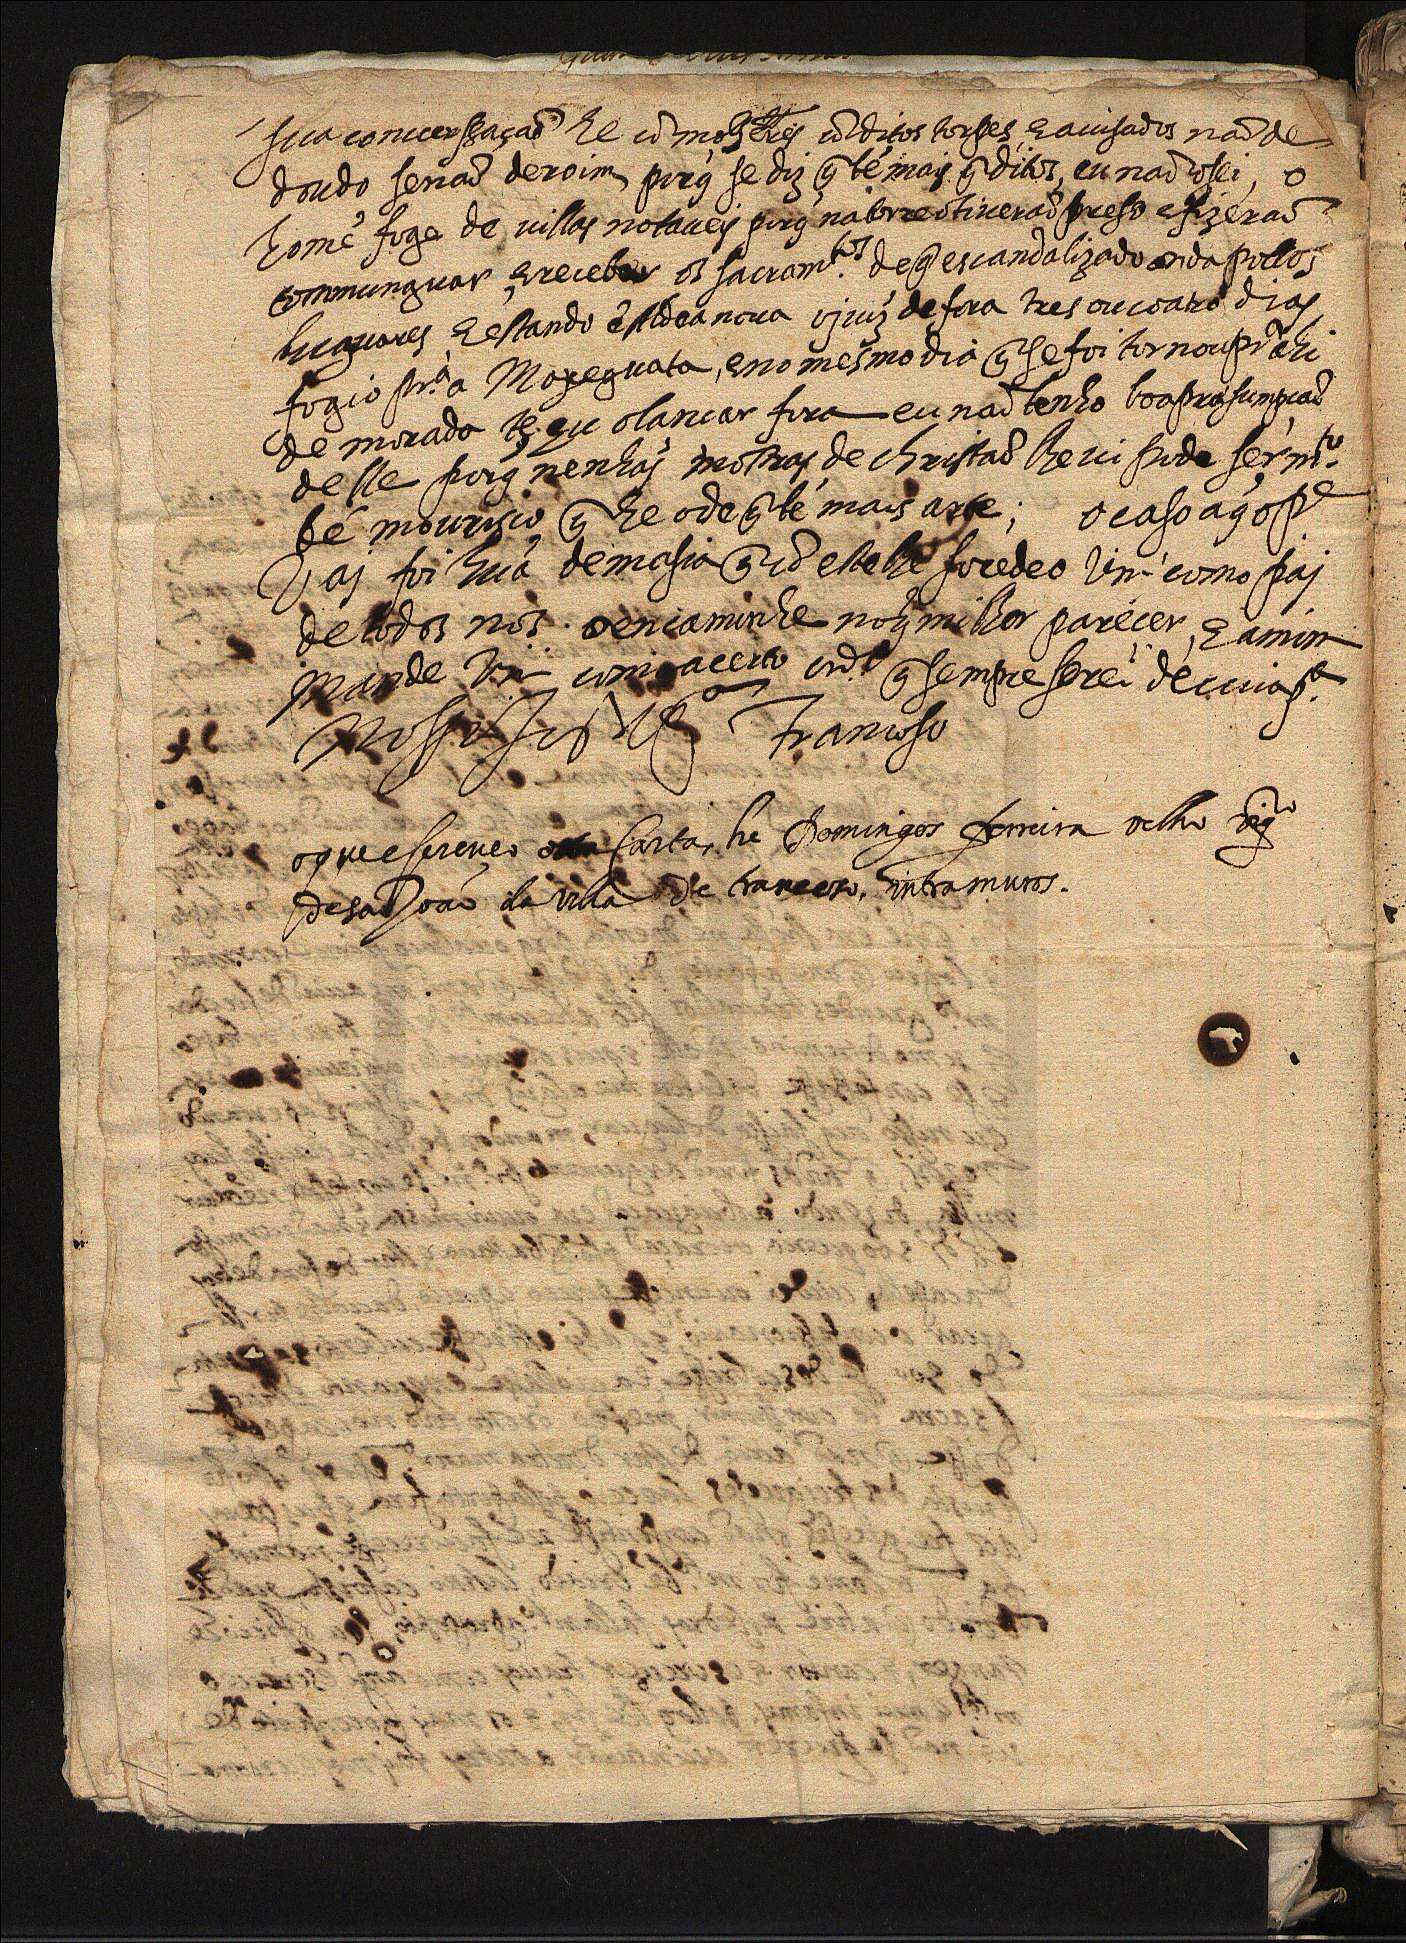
sua conuerssaçaõ he cō molheres cō ditos torpes, E auisados naõ de
doudo senão de roim porq̄ se diz q̄ tē mais q̄ ditos, eu naõ o sei, o
homē foge de uillas notaueis porq̄ na torre o tiueraõ preso E fizeraõ
communguar, E receber os sacram.tos de q̄ escandalizado anda pollos
luguares E estando ē Aldea noua o juiz de fora tres ou coatro dias
fogio pr.a a Moxeguata, E no mesmo dia q̄ se foi tornou pra ahi
de morada te Eu o lançar fora eu naõ tenho boa prasumpçaõ
delle porq̄ nenhas̄ mostras de christaõ lhe ui pode ser mto.
bē mourisco q̄ he o de q̄ tē mais arte; o caso a q̄ o pe
Vaj foi huā demasia q̄ cō elle lhe socedeo vm como paj
de todos nos o encaminhe no q̄ milhor parecer, E a mim
mande vm como a certo crd.o q̄ sempre serei de cuia p.a
nosso sor &.a trancoso
o que escreueo esta Carta, he Domingos ferreira velho vigro
de saõ Joaõ da villa de trancoso, intramuros.
